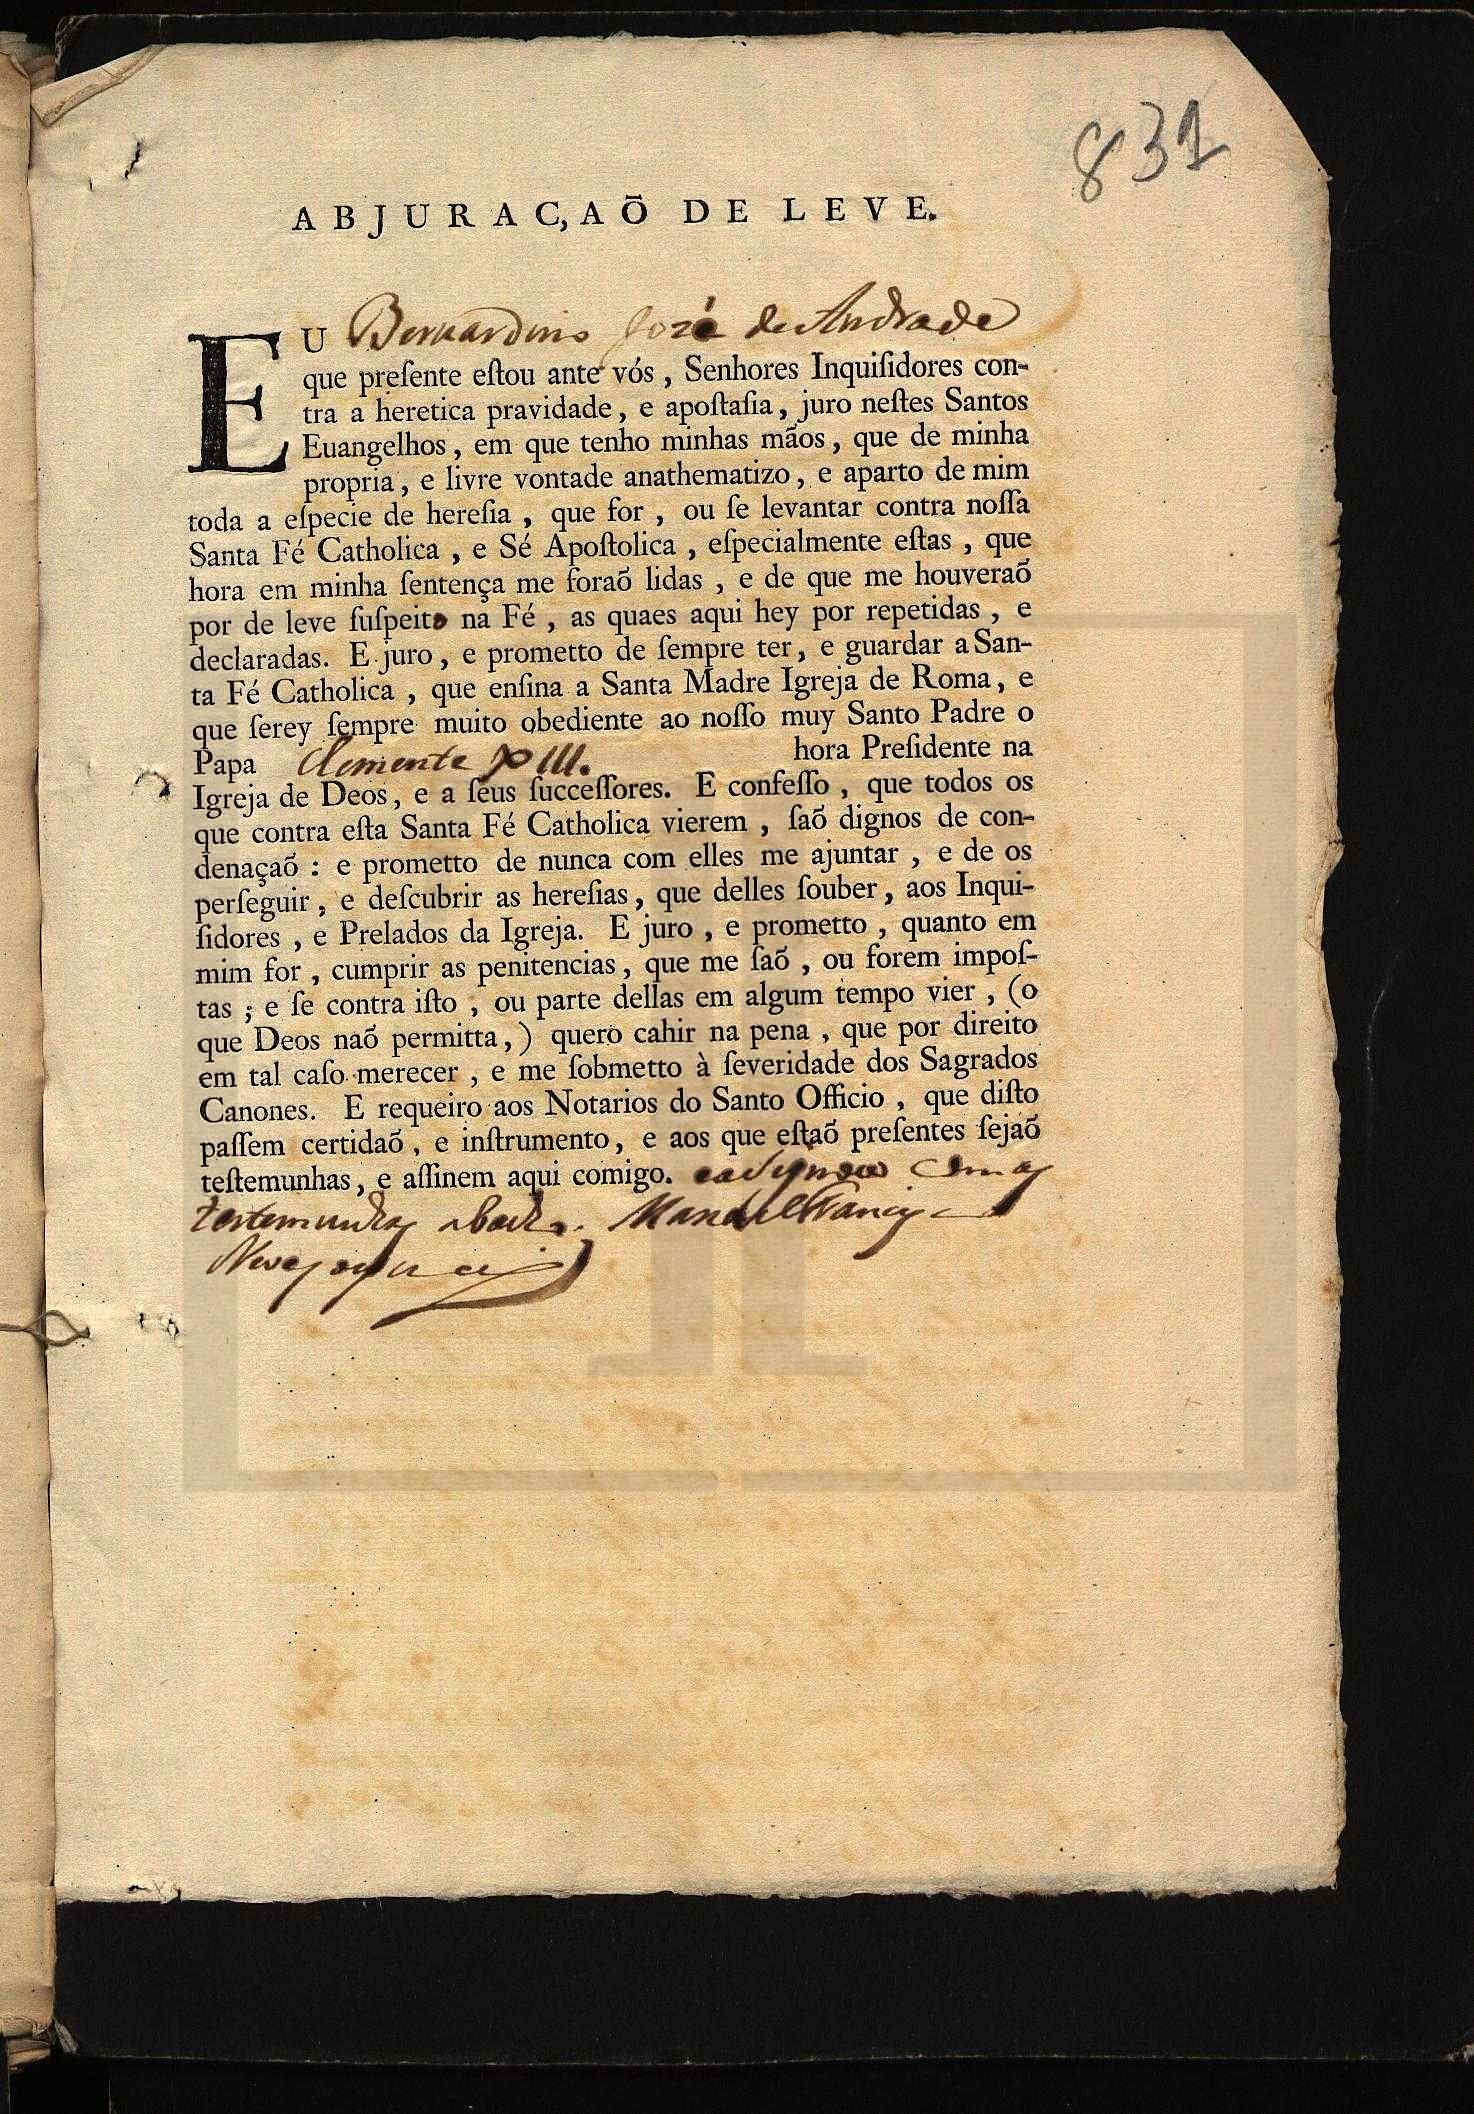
ABJURAÇAÕ DE LEVE.
U Bernardino Jozé de Andrade
que presente estou ante vós, Senhores Inquisidores con
tra a heretica pravidade, e apostasia, juro nestes Santos
Euangelhos, em que tenho minhas mãos, que de minha
propria, e livre vontade anathematizo, e aparto de mim
toda a especie de heresia, que for, ou se levantar contra nossa
Santa Fé Catholica, e Sé Apostolica, especialmente estas, que
hora em minha sentença me foraõ lidas, e de que me houveraõ
por de leve suspeito na Fé, as quaes aqui hey por repetidas, e
declaradas. E juro, e prometto de sempre ter, e guardar a San
ta Fé Catholica, que ensina a Santa Madre Igreja de Roma, e
que serey sempre muito obediente ao nosso muy Santo Padre o
Papa Clemente XIII.
hora Presidente na
Igreja de Deos, e a seus successores. E confesso, que todos os
que contra esta Santa Fé Catholica vierem, saõ dignos de con
denaçaõ: e prometto de nunca com elles me ajuntar, e de os
perseguir, e descubrir as heresias, que delles souber, aos Inqui
sidores, e Prelados da Igreja. E juro, e prometto, quanto em
mim for, cumprir as penitencias, que me saõ, ou forem impos
tas, e se contra isto; ou parte dellas em algum tempo vier, (o
que Deos naõ permitta,) quero cahir na pena, que por direito
em tal caso merecer, e me sobmetto à severidade dos Sagrados
Canones. E requeiro aos Notarios do Santo Officio, que disto
passem certidaõ, e instrumento, e aos que estaõ presentes sejaõ
testemunhas, e assinem aqui comigo. e asignou com as
testemunhas abacho. Manoel Francisco
Neves
